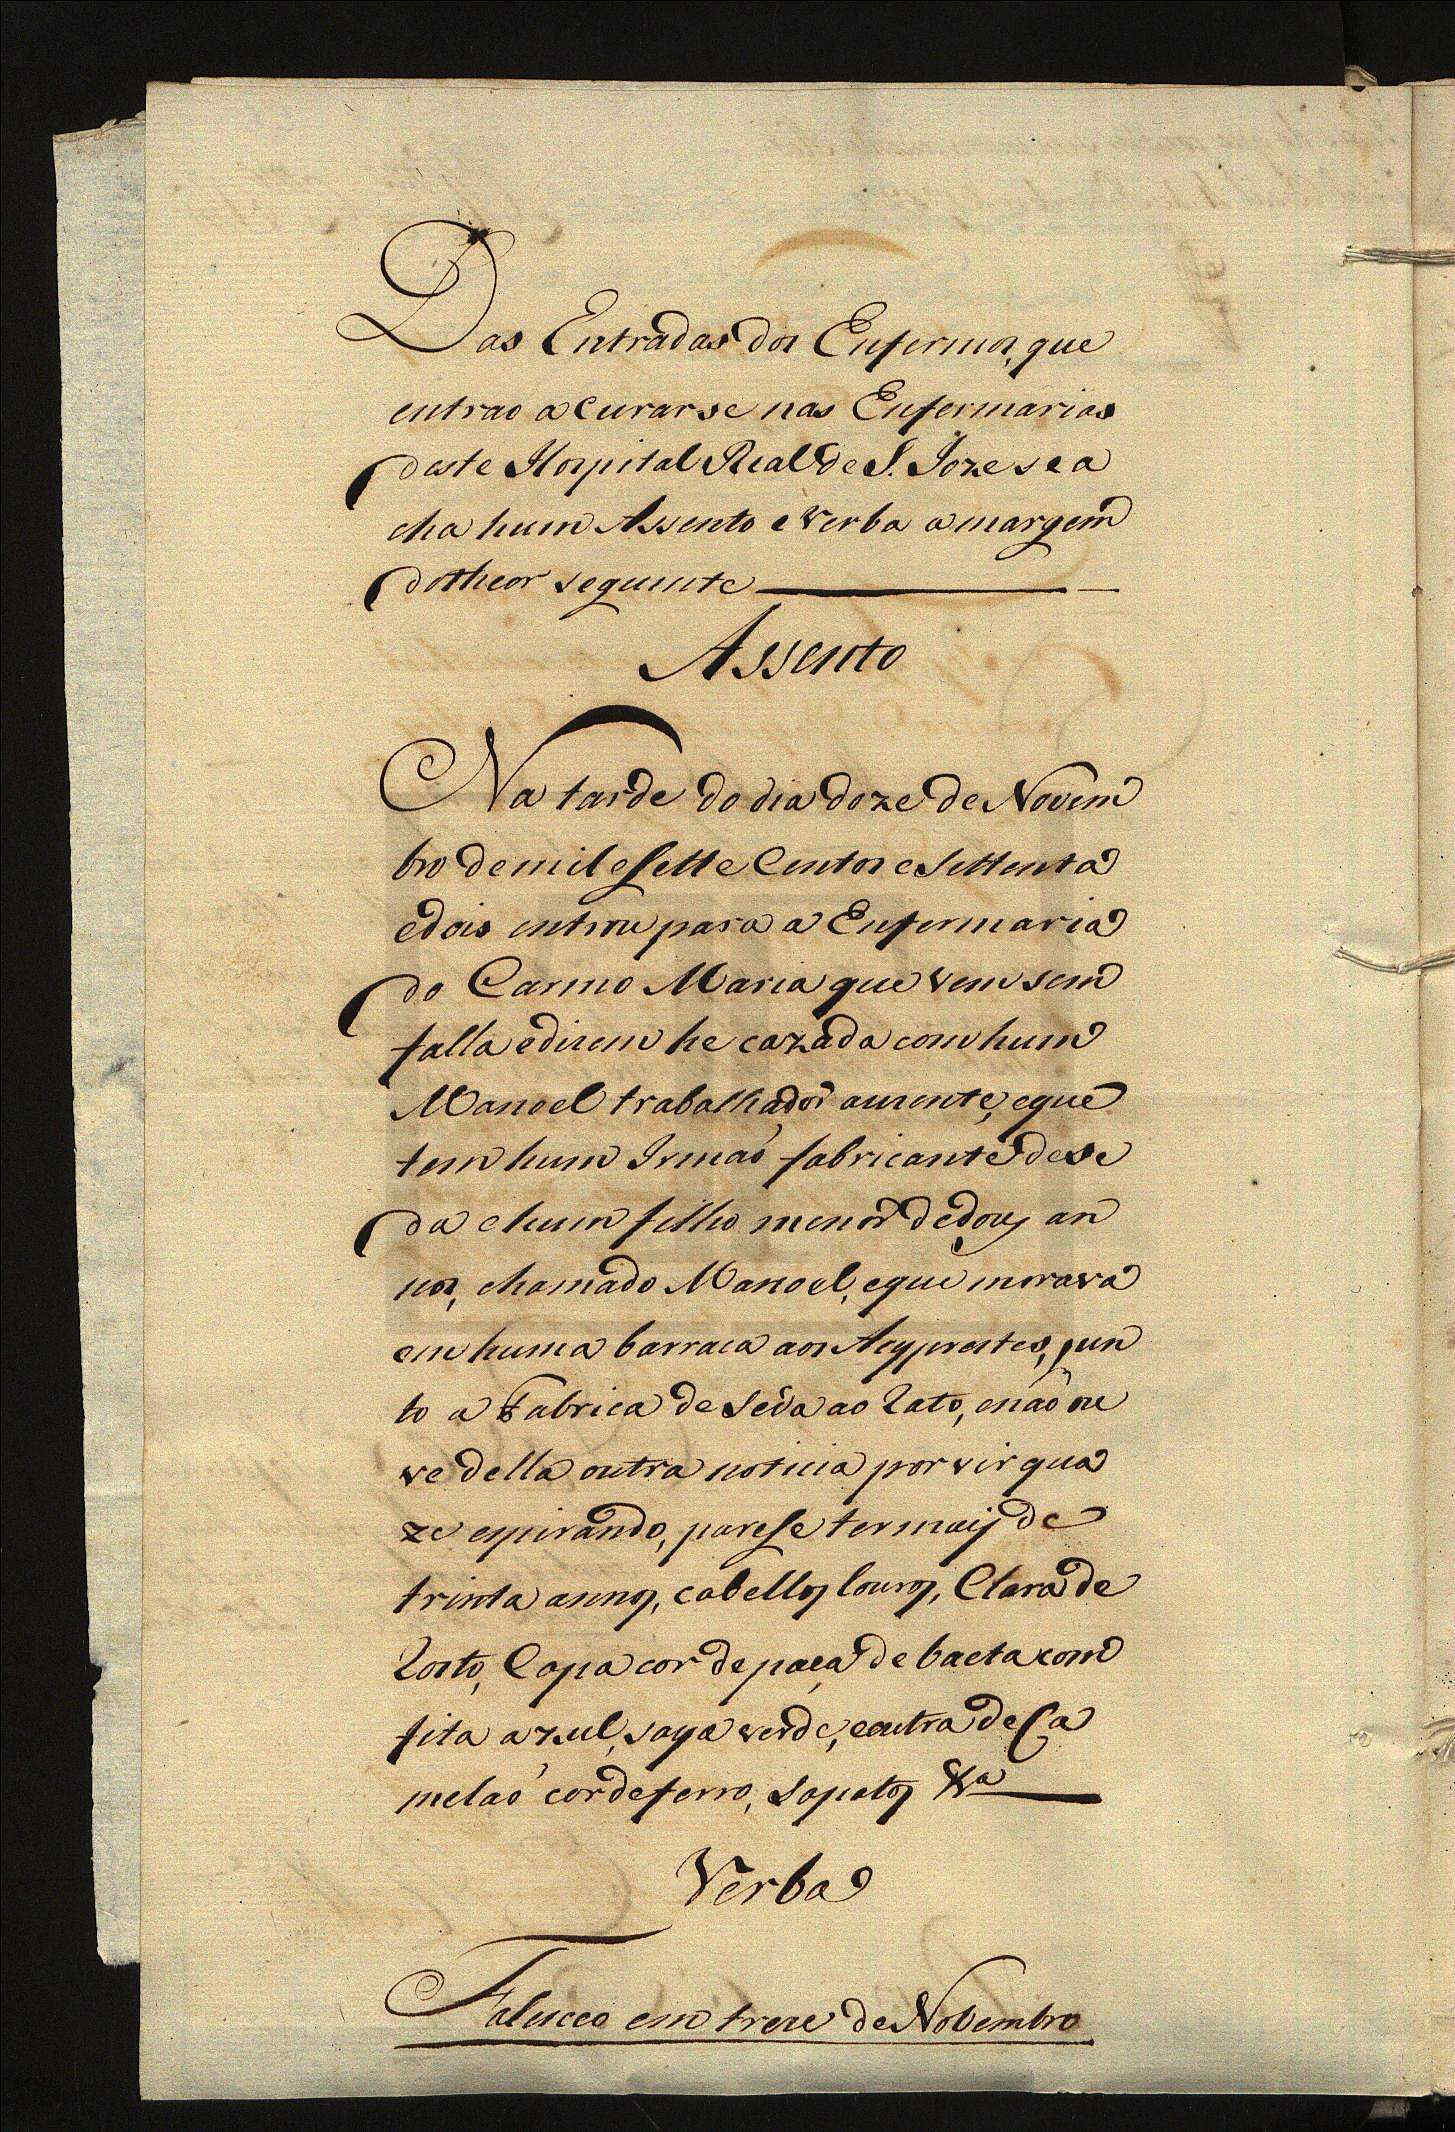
Das Entradas dos Enfermos, que
entrao a curarse nas Enfermarias
deste Hospital Real de S. Ioze se a
cha hum Assento e verba a margem
do theor seguinte
Assento
Na tarde do dia doze de Novem
bro de mil e settecentos e settenta
e dois entrou para a Enfermaria
do Carmo Maria que vem sem
falla e dizem he cazada com hum
Manoel trabalhador auzente, e que
tem hum Irmaõ fabricante de se
da e hum filho menor de dous an
nos, chamado Manoel, e que morava
em huma barraca aos Acyprestes, jun
to a Fabrica de seda ao Rato, e naõ ou
ve della outra noticia por vir qua
ze espirando, parese ter mais de
trinta annos, cabellos louros, Clara de
Rosto, Capa cor de paça de baeta com
fita azul, saya verde, e outra de Ca
melaõ cor de ferro, sapatos &a
Verba
Faleceo em treze de Novembro
